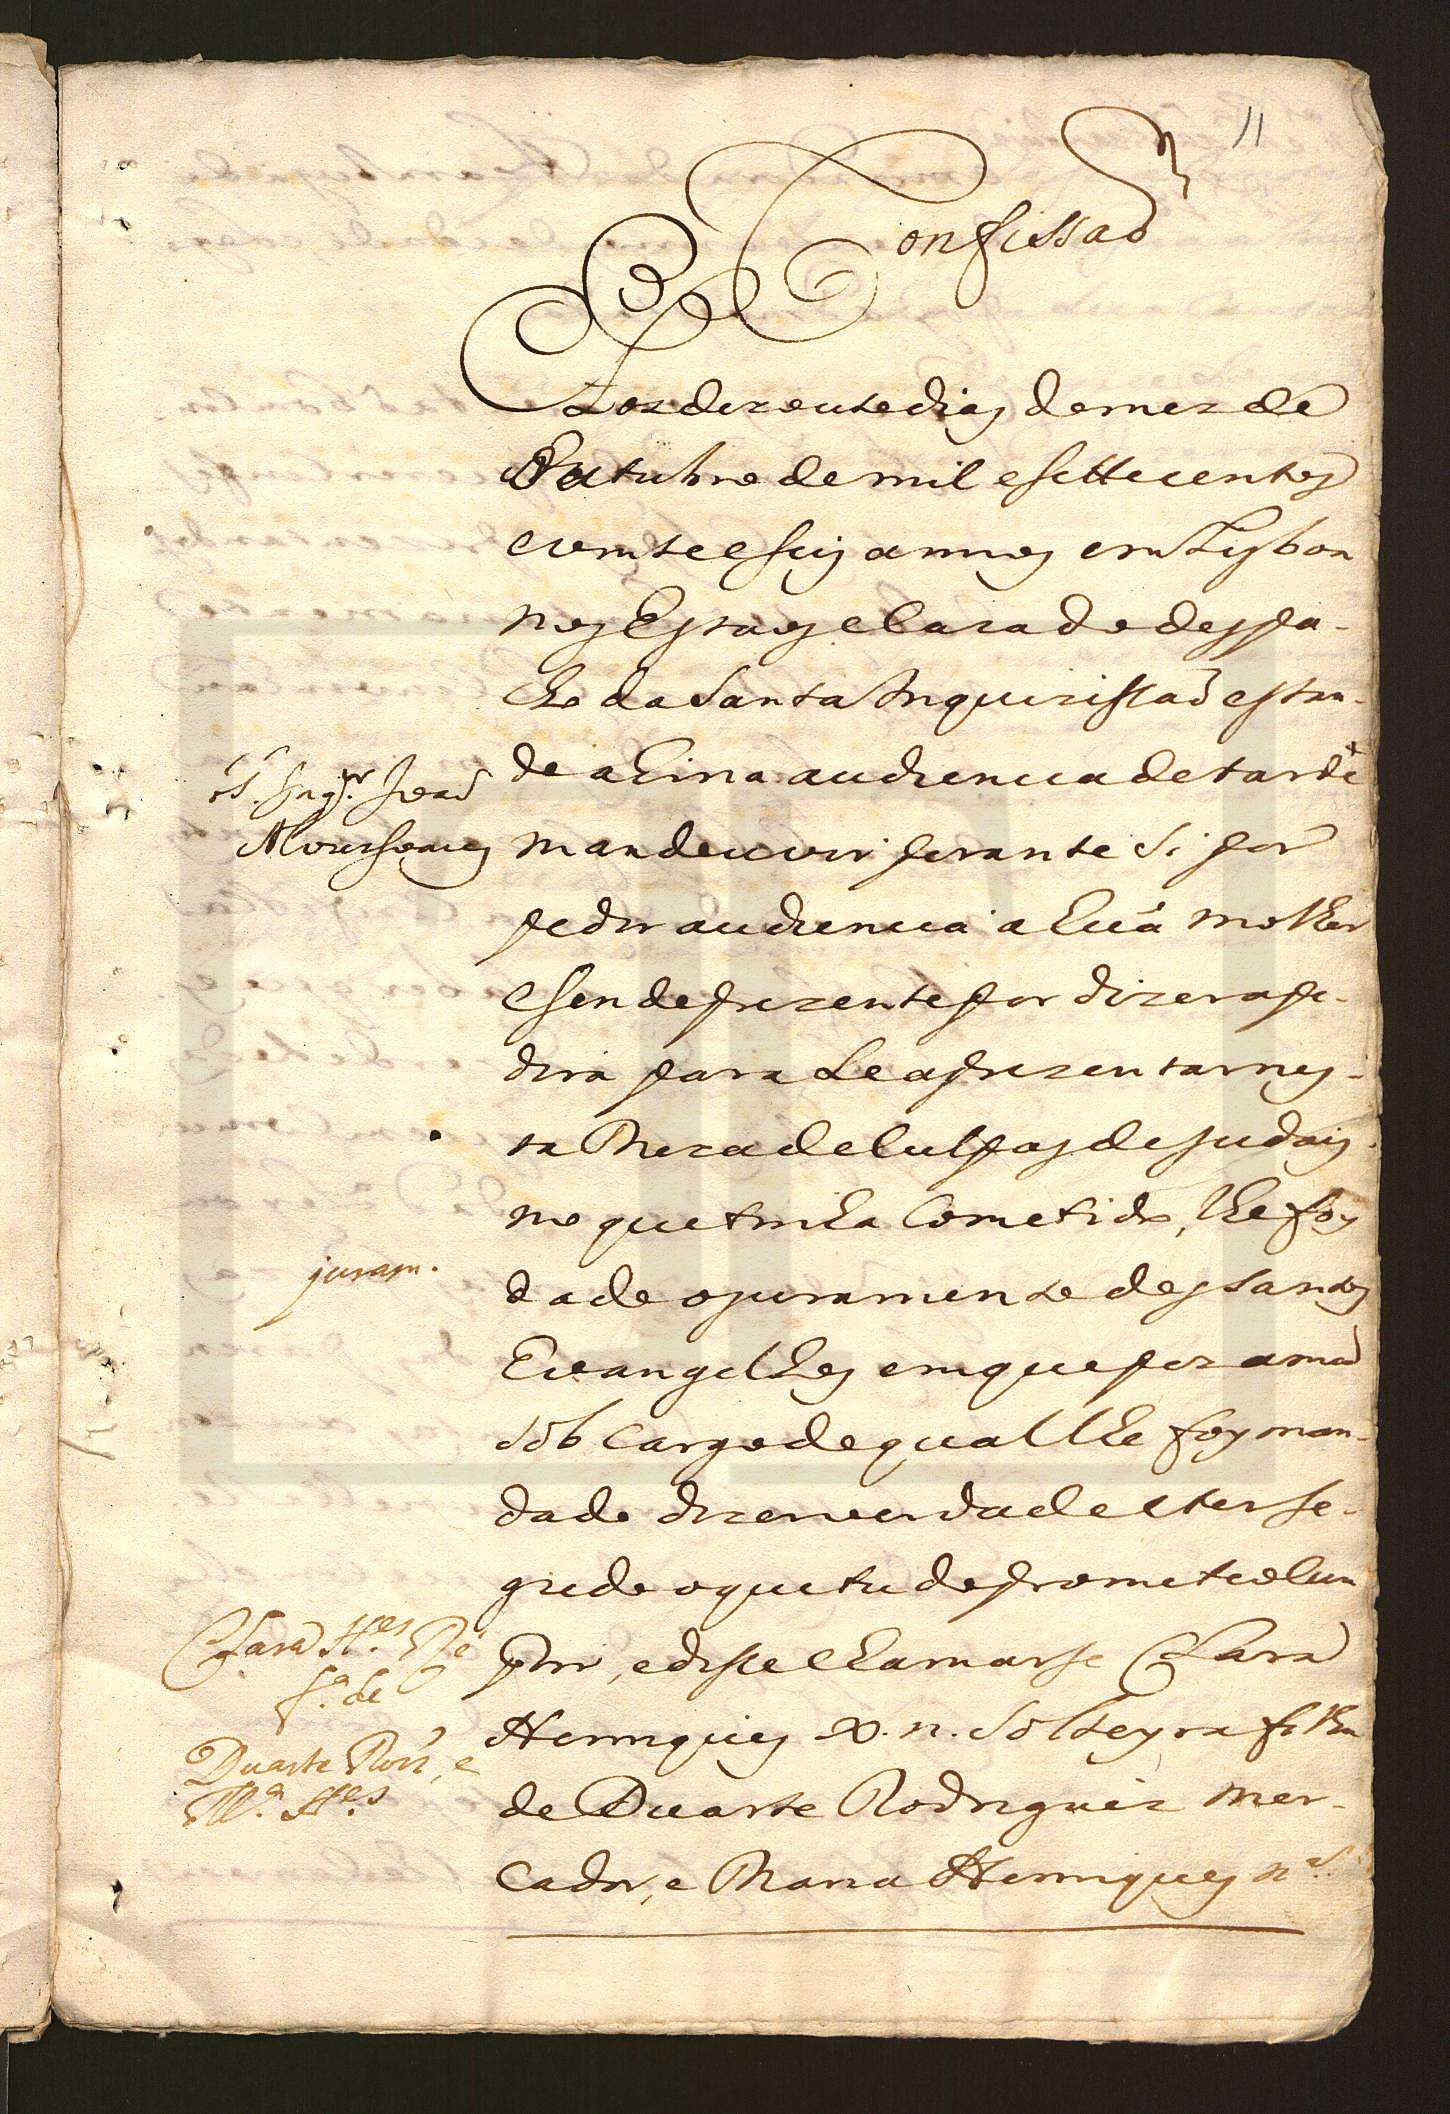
S. Jnq.or Joaõ
Alvres soares
juram.
Clara H.es Ré
f.a de
Duarte Roiz̄, e
M.a H.es
Confissaõ
Aoz dezouto dias do mez de
Outubro de mil e settecentos
e vinte e seis annos em Lisboa
nos Estaos e Caza do despa
cho da Santa Inquizissaõ estan
do ahi na audiencia de tarde
mandou vir perante si por
pedir audiencia a huā molher
e sendo prezente por dizer a pe
dira para se aprezentar nes
ta Meza de Culpas de judais
mo que tinha Cometido, lhe foy
dado o juramento dos santos
Evangelhos em que poz a maõ
sob cargo do qual lhe foy man
dado dizer verdade e ter se
gredo o que tudo prometeo Cum
prir, e disse chamarse CLara
Heniques x. n. Solteyra filha
de Duarte Rodriguez mer
cador, e Maria Henriques n.a
